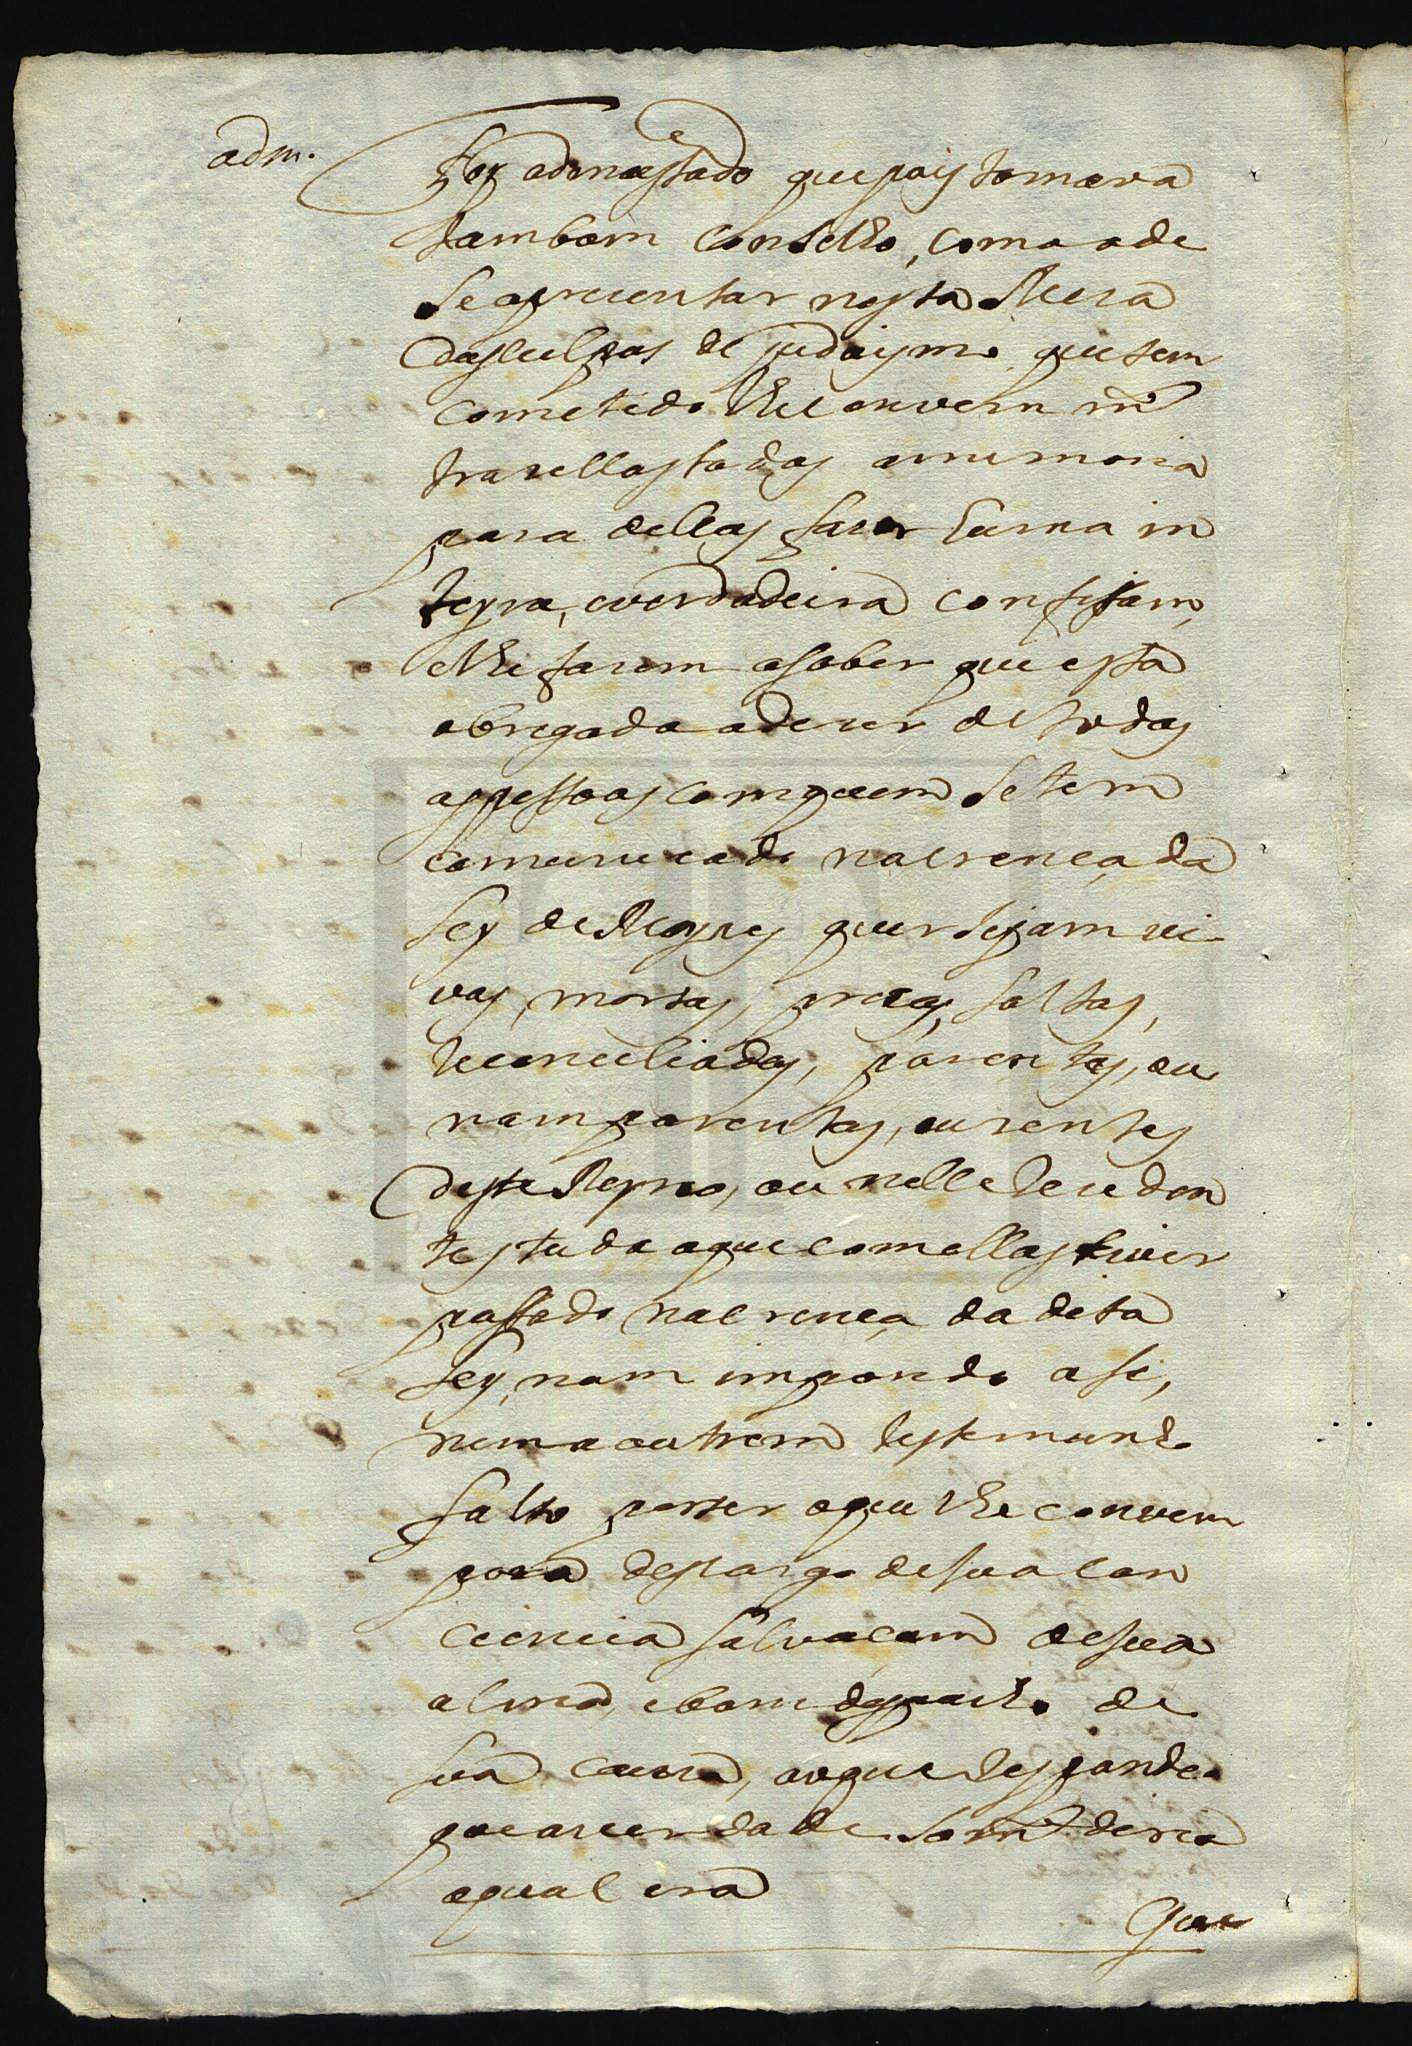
adm.
Foy admoestado que pois tomava
tam bom conselho, como o de
se aprezentar nesta Meza
das culpas de judaismo, que tem
cometido lhe convem mto
trazellas todas a memoria
para dellas fazer huma in
teyra, e verdadeira confissam,
e lhe fazem a saber que esta
obrigado a dezer de todas
as pessoas com quem se tem
comunicado na crença da
Ley de Moyzes quer sejam vi
vas mortas, prezas, soltas,
Reconçiliadas, parentas, ou
nam parentas, auzentes
deste Reyno, ou nelle Rezeden
tes tudo o que com ellas tiuer
passado na crença da dita
Ley, nam impondo a si,
nem a outrem testemunho
falso por ser o que lhe convem
para descargo de sua con
ciencia salvaçam de sua
alma, e bom despacho de
sua cauza, ao que Respondeo
que a verdade somte diria
a qual era
Que
